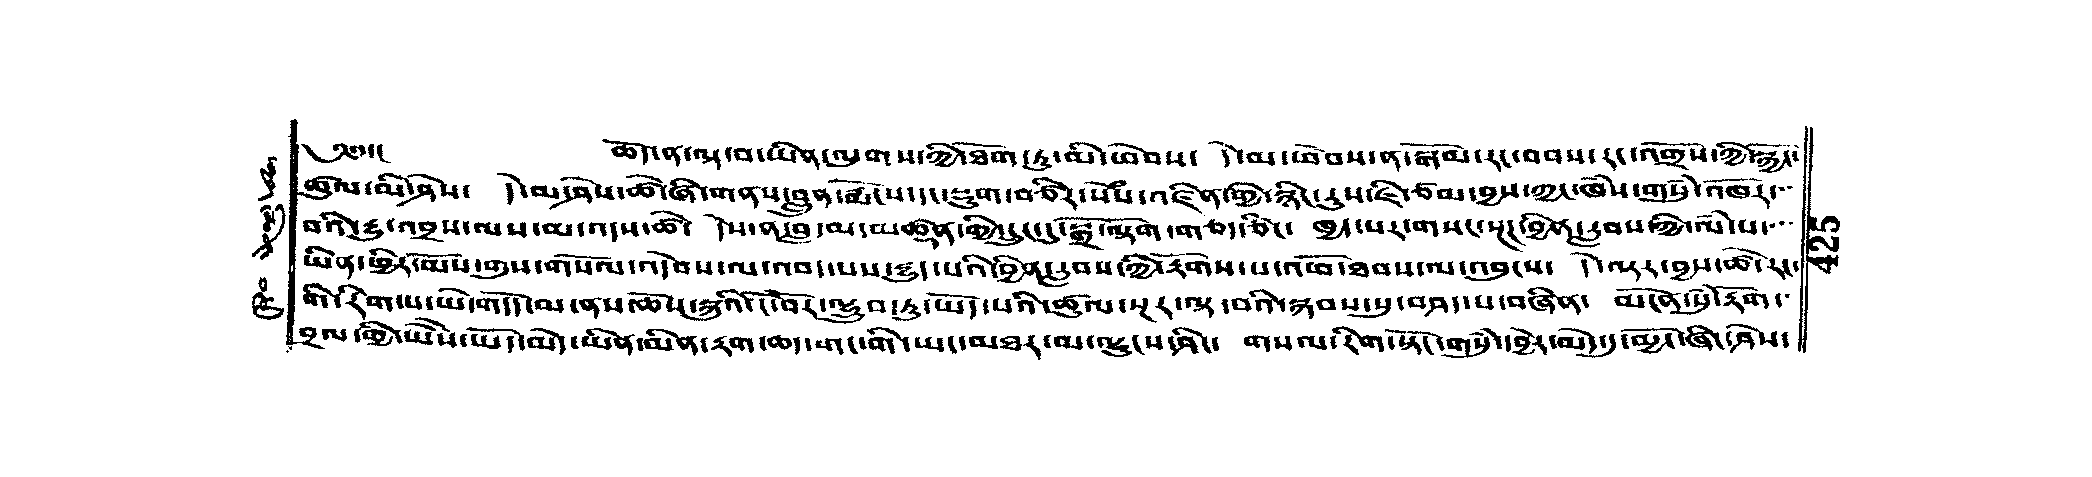ཆོད་ན་ལྟ་བ་ཡིན་ལུགས་ཀྱི་ཐོག་ཏུ་མི་ཕེབས། དེ་མ་ཕེབས་ན་སྒོམ་རང་བབས་རང་འགྲོས་ཀྱི་སྐྱོང་
ཚུལ་མི་ཤེས། དེ་མ་ཤེས་ཚེ་ཞི་གནས་བླུན་རྨོངས་དང་སྡུག་བཙིར་སེམས་འཛིན་གྱི་སྙིང་རུས་ཇི་ཙམ་བྱས་ཀྱང་ཁམས་གསུམ་འཁོར་
བའི་རྒྱུ་འབྲས་ལས་མ་འདས་ཚེ། དེས་ན་བླ་མ་མཚན་ལྡན་གྱི་དྲུང་དུ་སྒྲོ་འདོགས་གཅོད་ཅིང་། ཁྱད་པར་གསང་སྔགས་བྱིན་རླབས་ཀྱི་ལམ་པ་
ཡིན་ཕྱིར་མོས་གུས་གསོལ་འདེབས་ལ་འབད་པས་བརྒྱུད་པའི་བྱིན་རླབས་ཀྱི་རྟོགས་པ་འཕོ་ཐབས་ལ་འབུངས། དེ་ལྟར་བྱས་ཚེ་རང་
གི་རིག་པ་ཡེ་གདོད་མ་ནས་ཆོས་སྐུའི་ངོ་བོར་ལྷུན་གྲུབ་ཏུ་ཡོད་པའི་ཚུལ་སྔར་ལྟ་བའི་སྐབས་སུ་བཤད་པ་བཞིན། མངོན་སུམ་རྟོག་
བྲལ་གྱི་ཡེ་ཤེས་ཡོད་མེད་ཡིན་མིན་རྟག་ཆད་གང་གི་ཡང་མཐར་མ་ལྷུངས་ཤིང་།གསལ་རིག་སྟོང་གསལ་དབྱེར་མེད་དུ་མྱོང་ཞིང་ཤེས་